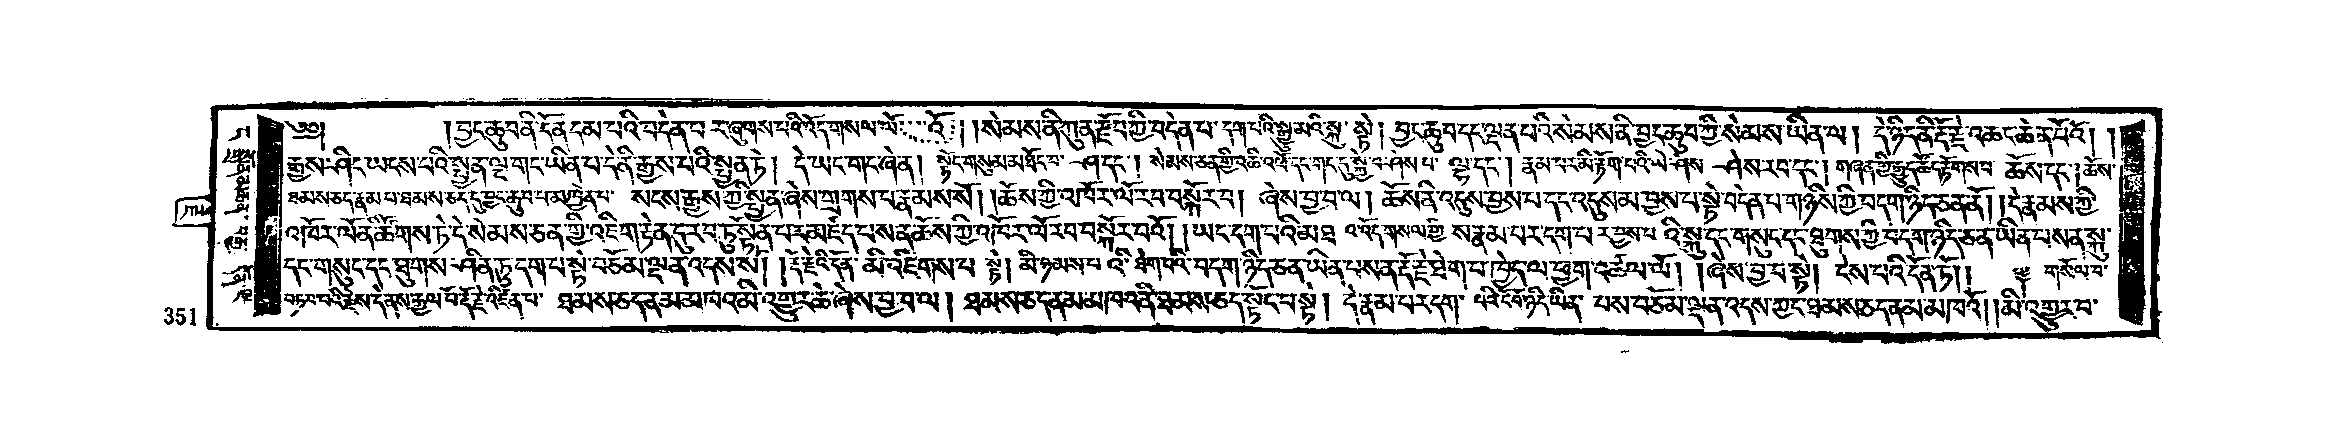༄༅། །བྱང་ཆུབ་ནི་དོན་དམ་པའི་བདེན་པར་ཞུགས་པའི་འོད་གསལ་ལོ་འོ། །སེམས་ནི་ཀུན་རྫོབ་ཀྱི་བདེན་པ་དག་པའི་སྒྱུ་མའི་སྐུ་སྟེ། བྱང་ཆུབ་དང་ལྡན་པའི་སེམས་ནི་བྱང་ཆུབ་ཀྱི་སེམས་ཡིན་ལ། དེ་ཉིད་ནི་རྡོ་རྗེ་འཆང་ཆེན་པོའོ། །
རྒྱས་ཤིང་ཡངས་པའི་སྤྱན་ལྔ་གང་ཡིན་པ་དེ་ནི་རྒྱས་པའི་སྤྱན་ཏེ། དེ་ཡང་གང་ཞེ་ན། སྟེང་གསུམ་མཐོང་བ་ཤ་དང་། སེམས་ཅན་གྱི་འཆི་འཕོ་དང་གང་དུ་སྐྱེ་བ་ཤེས་པ་ལྷ་དང་། རྣམ་པར་མི་རྟོགས་པའི་ཡེ་ཤེས་ཤེས་རབ་དང་། གཞན་གྱི་རྒྱུད་ཚོད་རྟོགས་པ་ཆོས་དང་། ཆོས་
ཐམས་ཅད་རྣམ་པ་ཐམས་ཅད་དུ་བྱང་ཆུབ་པ་མཁྱན་པ་སངས་རྒྱས་ཀྱི་སྤྱན་ཞེས་གྲགས་པ་རྣམས་སོ། །ཆོས་ཀྱི་འཁོར་ལོ་རབ་བསྐོར་བ། ཞེས་བྱ་བ་ལ། ཆོས་ནི་འདུས་བྱས་པ་དང་འདུས་མ་བྱས་པ་སྟེ་བདེན་པ་གཉིས་ཀྱི་བདག་ཉིད་ཅན་ནོ། །དེ་རྣམས་ཀྱི་
འཁོར་ལོ་ནི་ཚོགས་ཏེ་དེ་སེམས་ཅན་གྱི་འཇིག་རྟེན་དུ་རབ་ཏུ་སྟོན་པར་མཛད་པས་ན་ཆོས་ཀྱི་འཁོར་ལོ་རབ་བསྐོར་བའོ། །ཡང་དག་པའི་མཐའ་འོད་གསལ་གྱིས་རྣམ་པར་དག་པར་བྱས་པའི་སྐུ་དང་གསུང་དང་ཐུགས་ཀྱི་བདག་ཉིད་ཅན་ཡིན་པས་ན་སྐུ་
དང་གསུང་དང་ཐུགས་ཤིན་ཏུ་དག་པ་སྟེ་བཅོམ་ལྡན་འདས་སོ། ། རྡོ་རྗེའི་དོན་མི་འཇིགས་པ་སྟེ། མི་ཉམས་པའི་ཐེག་པའི་བདག་ཉིད་ཅན་ཡིན་པས་ན་རྡོ་རྗེ་ཐོག་པ་ཁྱེད་ལ་ཕྱག་འཚལ་ལོ། །ཞེས་བྱ་བ་སྟེ། ངེས་པའི་དོན་ཏོ།། ༈ གསོལ་བ་
བཏབ་པའི་རྫས་དེ་ནས་རྒྱལ་པོ་རྡོ་རྗེ་འཛིན་པ་ཐམས་ཅད་ནམ་མཁའ་མི་འགྱུར་ཆེ་ཞེས་བྱ་བ་ལ། ཐམས་ཅད་ནམ་མཁའ་ནི་ཐམས་ཅད་སྟོང་པ་སྟེ། དེ་རྣམ་པར་དག་པའི་ངོ་བོ་ཉིད་ཡིན་པས་བཅོམ་ལྡན་འདས་ཀྱང་ཐམས་ཅད་ནམ་མཁའོ། །མི་འགྱུར་བ་